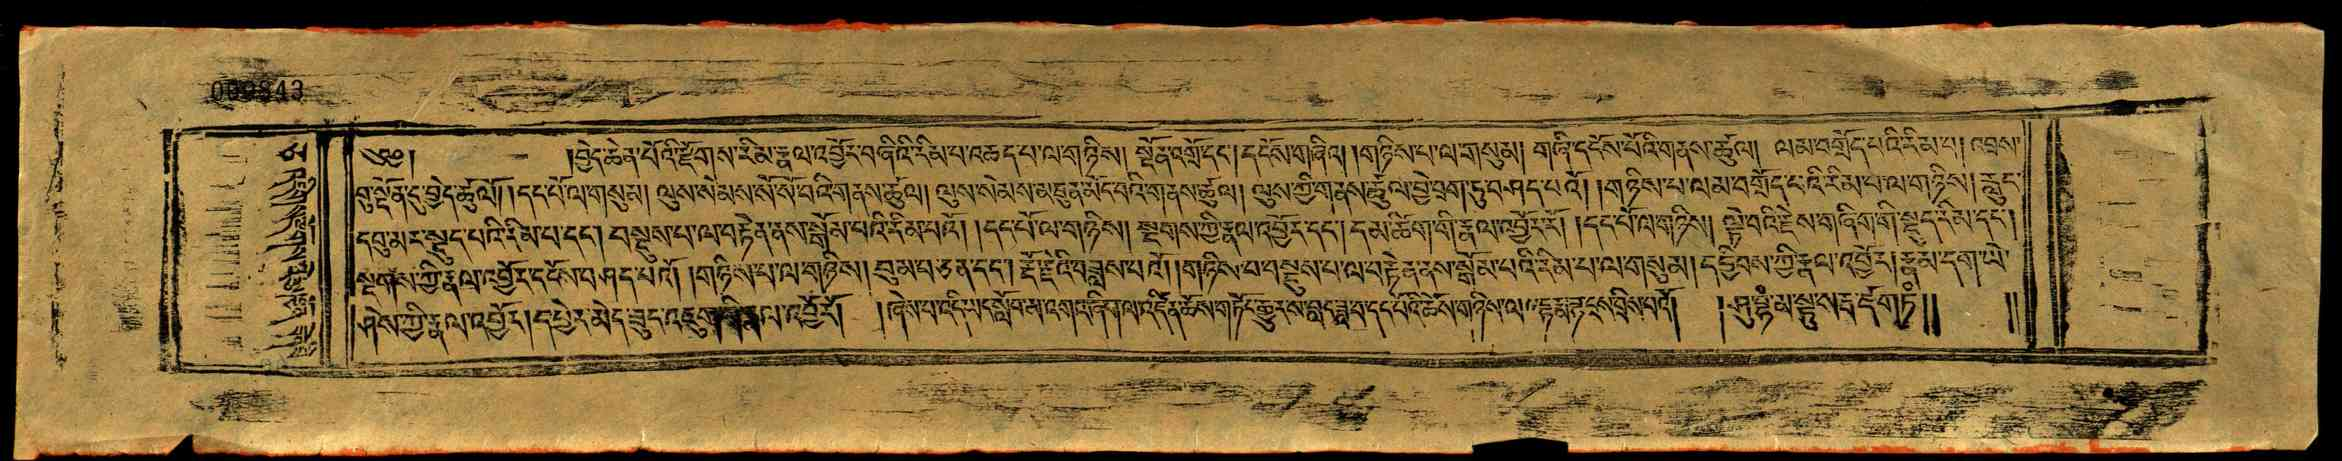༄༅། །བྱེད་ཆེན་པོའི་རྫོགས་རིམ་རྣལ་འབྱོར་བཞིའི་རིམ་པ་འཆད་པ་ལ་གཉིས། སྔོན་འགྲོ་དང་། དངོས་གཞིའོ། །གཉིས་པ་ལ་གསུམ། གཞི་དངོས་པོའི་གནས་ཚུལ། ལམ་བགྲོད་པའི་རིམ་པ། འབྲས་
བུ་སྔོན་དུ་བྱེད་ཚུལ་ལོ། །དང་པོ་ལ་གསུམ། ལུས་སེམས་སོ་སོ་བའི་གནས་ཚུལ། ལུས་སེམས་མཐུན་མོང་བའི་གནས་ཚུལ། ལུས་ཀྱི་གནས་ཚུལ་བྱེ་བྲག་ཏུ་བཤད་པའོ། །གཉིས་པ་ལམ་བགྲོད་པའི་རིམ་པ་ལ་གཉིས། རླུང་
དབུ་མར་སྡུད་པའི་རིམ་པ་དང་། བསྡུས་པ་ལ་བརྟེན་ནས་སྒོམ་པའི་རིམ་པའོ། །དང་པོ་ལ་གཉིས། སྔགས་ཀྱི་རྣལ་འབྱོར་དང་། དམ་ཚིག་གི་རྣལ་འབྱོར་རོ། །དང་པོ་ལ་གཉིས། ལྟེ་བའི་རྗེས་གཞིག་གི་སྡུང་?་རིམ་དང་།
སྔགས་ཀྱི་རྣལ་འབྱོར་དངོས་བཤད་པའོ། །གཉིས་པ་ལ་གཉིས། བུམ་པ་ཅན་དང་། རྡོ་རྗེའི་བཟླས་པའོ། །གཉིས་པ་བསྡུས་པ་ལ་བརྟེན་ནས་སྒོམ་པའི་རིམ་པ་ལ་གསུམ། དབྱིབས་ཀྱི་རྣལ་འབྱོར། རྣམ་དག་ཡེ་
ཤེས་ཀྱི་རྣལ་འབྱོར། དབྱེར་མེད་ཟུང་འཇུག་གི་རྣལ་འབྱོར་རོ། །ཞེས་པ་འདི་ཡང་སློབ་མ་འགའ་ཞིག་ལ་འཛིན་ཆོས་གཏོང་རྒྱུར་ས་གླང་ཟླ་བ་དང་པོའི་ཚེས་གཉིས་ལ་~་དྷརྨ་བྷ་དྲས་བྲིས་པའོ། །ཤུབྷ་མ་སྟུ་སརྦ་ཛག་ཏཾ།། །།